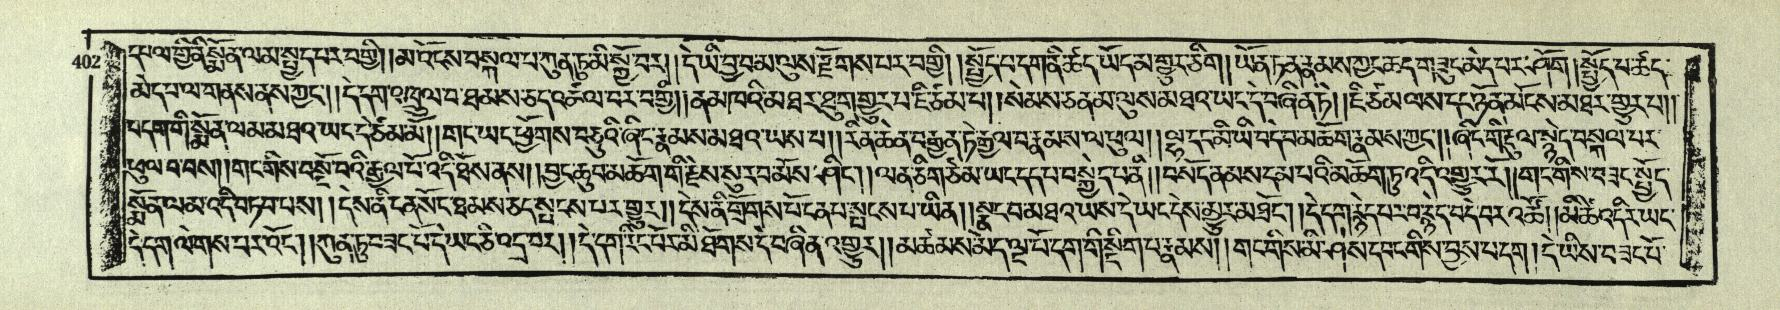དཔལ་གྱི་ནི་སྨོན་ལམ་སྤྱད་པར་བགྱི། །མ་འོངས་བསྐལ་ཀུན་ཏུ་མི་སྐྱོ་བར། །དེ་ཡི་བྱ་བ་མ་ལུས་རྫོགས་པར་བགྱི། །སྤྱོད་པ་དག་ནི་ཚད་ཡོད་མ་གྱུར་ཅིག། །ཡོན་ཏན་རྣམས་ཀྱང་ཆད་གཟུང་མེད་པར་ཤོག །སྤྱོད་པ་ཚད་
མེད་པ་ལ་གནས་ནས་ཀྱང་། །དེ་དག་འཁྲུལ་བ་ཐམས་ཅད་འཚལ་བར་བགྱི། །ནམ་མཁའི་མཐར་ཐུག་གྱུར་པ་ཇི་ཙམ་པ། །སེམས་ཅན་མ་ལུས་མཐའ་ཡང་དེ་བཞིན་ཏེ། །ཇི་ཙམ་ལས་དང་ཉོན་མོངས་མཐར་གྱུར་པ།།
བདག་གི་སྨོན་ལམ་མཐའ་ཡང་དེ་ཙམ་མོ། །གང་ཡང་ཕྱོགས་བཅུའི་ཞིང་རྣམས་མཐའ་ཡས་པ། །རིན་ཆེན་བརྒྱན་ཏེ་རྒྱལ་བ་རྣམས་ལ་ཕུལ། །ལྷ་དང་མི་ཡི་བདེ་བ་མཆོག་རྣམས་ཀྱང་། །ཞིང་གི་རྡུལ་སྙེད་བསྐལ་པར་
ཕུལ་བ་བས། །གང་གིས་བསྔོ་བའི་རྒྱལ་པོ་འདི་ཐོས་ནས། །བྱང་ཆུབ་མཆོག་གི་རྗེས་སུ་རབ་མོས་ཤིང་། །ལན་ཅིག་ཙམ་ཡང་དད་པ་བསྐྱེད་པ་ནི། །བསོད་ནམས་དམ་པའི་མཆོག་ཏུ་འདི་འགྱུར་རོ། །གང་གིས་བཟང་སྤྱོད་
སྨོན་ལམ་འདི་བཏབ་པས། །དེས་ནི་ངན་སོང་ཐམས་ཅད་སྤངས་པར་གྱུར། །དེས་ནི་གྲོགས་པོ་ངན་པ་སྤངས་པ་ཡིན། །སྣང་བ་མཐའ་ཡས་དེ་ཡང་དེས་མྱུར་མཐོང་། །དེ་དག་རྙེད་པར་བ་རྙེད་བདེ་བར་འཚོ། །མི་ཚེ་འདིར་ཡང་
དེ་དག་ལེགས་པར་འོང་། །ཀུན་ཏུ་བཟང་པོ་དེ་ཡང་ཅི་འདྲ་བར། །དེ་དག་རིང་པོར་མི་ཐོགས་དེ་བཞིན་འགྱུར། །མཚམས་མེད་ལྔ་པོ་དག་གི་སྡིག་པ་རྣམས། །གང་གིས་མི་ཤེས་དབང་གིས་བྱས་པ་དག། དེ་ཡིས་བཟང་པོ་